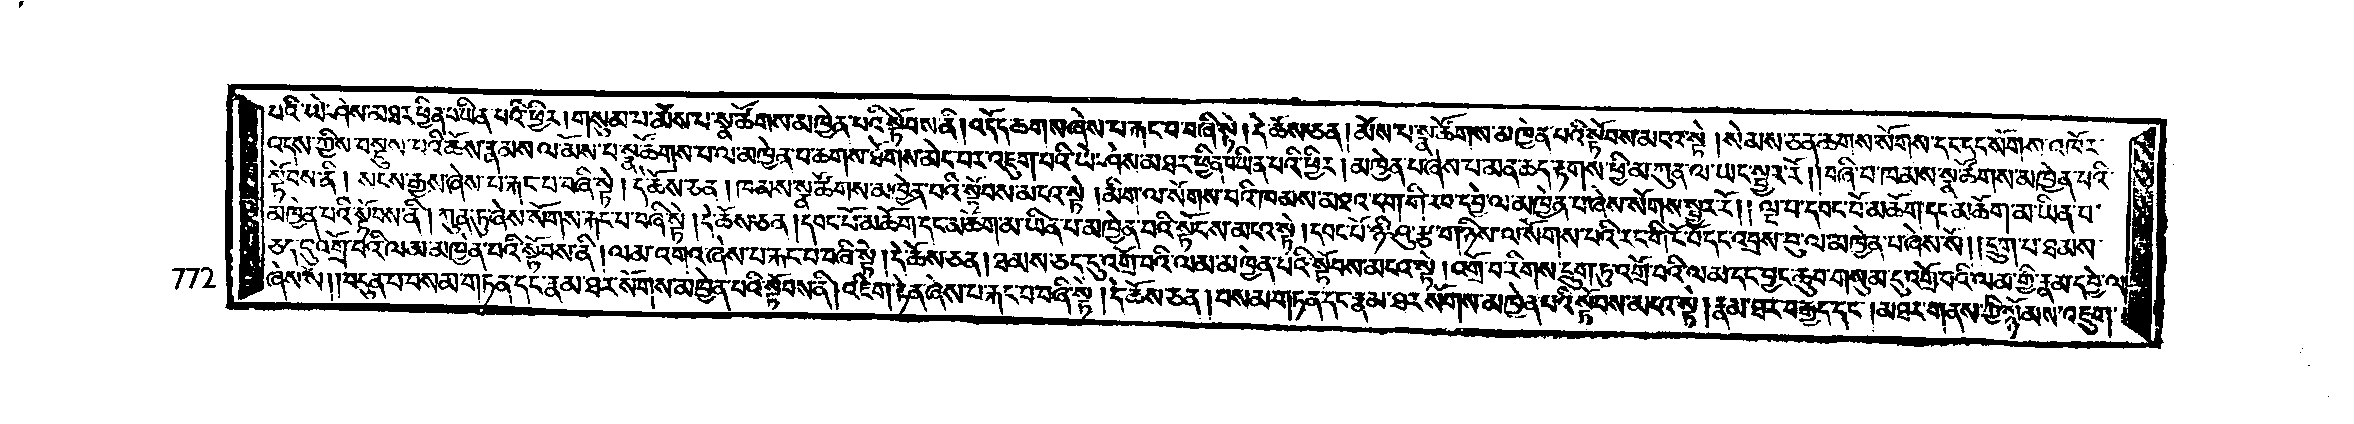པའི་ཡེ་ཤེས་མཐར་ཕྱིན་པ་ཡིན་པའི་ཕྱིར། གསུམ་པ་མོས་པ་སྣ་ཚོགས་མཁྱེན་པའི་སྟོབས་ནི། འདོད་ཆགས་ཞེས་པ་རྐང་པ་བཞི་སྟེ། དེ་ཆོས་ཅན། མོས་པ་སྣ་ཚོགས་མཁྱེན་པའི་སྟོབས་མངའ་སྟེ། སེམས་ཅན་ཆགས་སོགས་དང་དང་སོགས་འཁོར་
འདས་ཀྱིས་བསྡུས་པའི་ཆོས་རྣམས་ལ་མོས་པ་སྣ་ཚོགས་པ་ལ་མཁྱེན་པ་ཆགས་ཐོགས་མེད་པར་འཇུག་པའི་ཡེ་ཤེས་མཐར་ཕྱིན་པ་ཡིན་པའི་ཕྱིར། མཁྱེན་པ་ཞེས་པ་མན་ཆད་རྟགས་ཕྱི་མ་ཀུན་ལ་ཡང་སྦྱར་རོ། །བཞི་པ་ཁམས་སྣ་ཚོགས་མཁྱེན་པའི་
སྟོབས་ནི། སངས་རྒྱས་ཞེས་པ་རྐང་པ་བཞི་སྟེ། དེ་ཆོས་ཅན། ཁམས་སྣ་ཚོགས་མཁྱེན་པའི་སྟོབས་མངའ་སྟེ། མིག་ལ་སོགས་པའི་ཁམས་མཐའ་དག་གི་རབ་དབྱེ་ལ་མཁྱེན་པ་ཞེས་སོགས་སྦྱར་རོ། །ལྔ་པ་དབང་པོ་མཆོག་དང་མཆོག་མ་ཡིན་པ་
མཁྱེན་པའི་སྟོབས་ནི། ཀུན་ཏུ་ཞེས་སོགས་རྐང་པ་བཞི་སྟེ། དེ་ཆོས་ཅན། དབང་པོ་མཆོག་དང་མཆོག་མ་ཡིན་པ་མཁྱེན་པའི་སྟོབས་མངའ་སྟེ། དབང་པོ་ཉི་ཤུ་རྩ་གཉིས་ལ་སོགས་པའི་རང་གི་ངོ་བོ་དང་འབྲས་བུ་ལ་མཁྱེན་པ་ཞེས་སོ། །དྲུག་པ་ཐམས་
ཅད་དུ་འགྲོ་བའི་ལམ་མཁྱེན་པའི་སྟོབས་ནི། ལམ་འགའ་ཞེས་པ་རྐང་པ་བཞི་སྟེ། དེ་ཆོས་ཅན། ཐམས་ཅད་དུ་འགྲོ་བའི་ལམ་མཁྱེན་པའི་སྟོབས་མངའ་སྟེ། འགྲོ་བ་རིགས་དྲུག་ཏུ་འགྲོ་བའི་ལམ་དང་བྱང་ཆུབ་གསུམ་དུ་འགྲོ་བའི་ལམ་གྱི་རྣམ་དབྱེ་ལ་
ཞེས་སོ། །བདུན་པ་བསམ་གཏན་དང་རྣམ་ཐར་སོགས་མཁྱེན་པའི་སྟོབས་ནི། འཇིག་རྟེན་ཞེས་པ་རྐང་པ་བཞི་སྟེ། དེ་ཆོས་ཅན། བསམ་གཏན་དང་རྣམ་ཐར་སོགས་མཁྱེན་པའི་སྟོབས་མངའ་སྟེ། རྣམ་ཐར་བརྒྱད་དང་། མཐར་གནས་ཀྱི་སྙོམས་འཇུག་